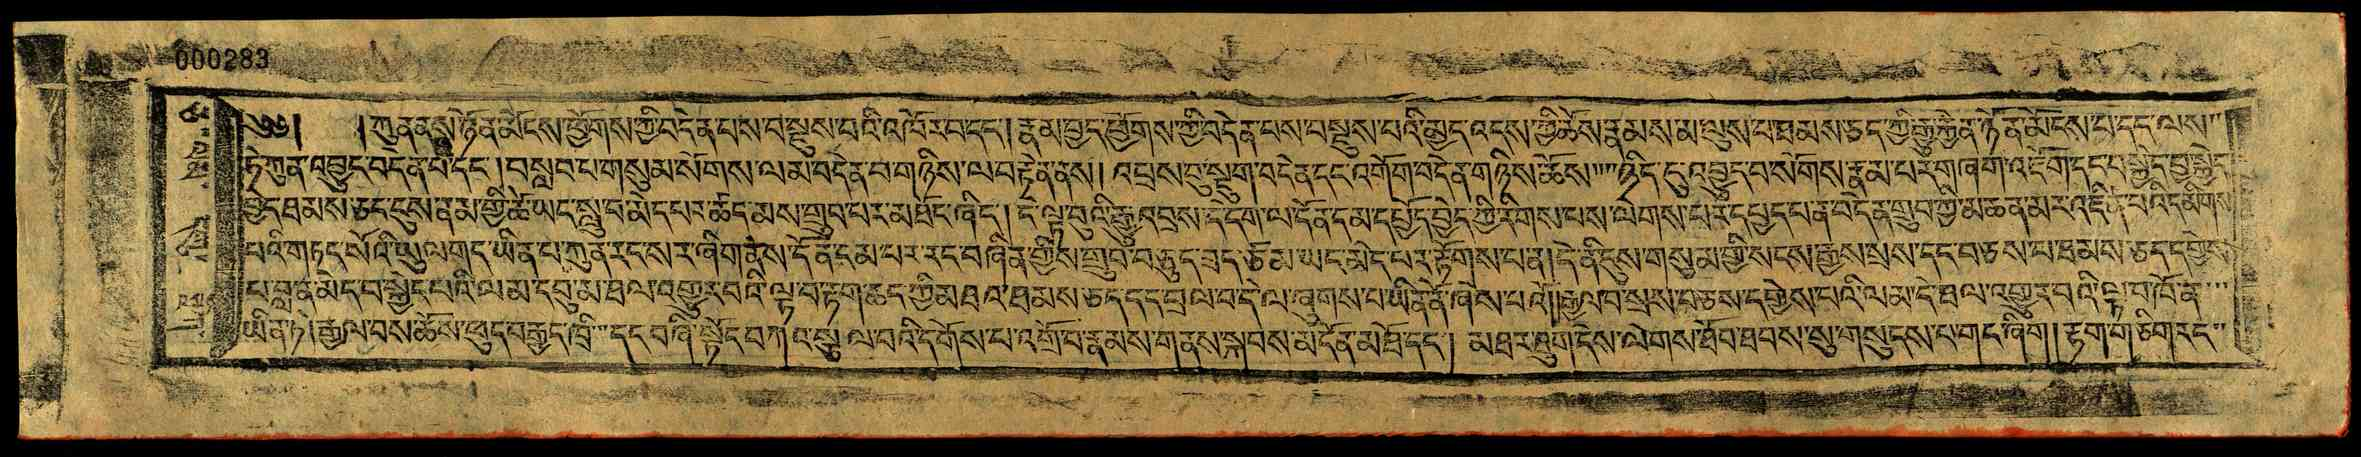༄༅། །ཀུན་ནས་ཉོན་མོངས་ཕྱོགས་ཀྱི་བདེན་པས་བསྡུས་པའི་འཁོར་བ་དང་། རྣམ་བྱང་ཕྱོགས་ཀྱི་བདེན་པས་བསྡུས་པའི་མྱང་འདས་ཀྱི་ཆོས་རྣམས་མ་ལུས་པ་ཐམས་ཅད་ཀྱི་རྒྱུ་རྐྱེན་ཉོན་མོངས་པ་དང་ལས་
ཏེ་ཀུན་འབྱུང་བདེན་པ་དང་། བསླབ་པ་གསུམ་སོགས་ལམ་བདེན་པ་གཉིས་ལ་བརྟེན་ནས། འབྲས་བུ་སྡུག་བདེན་དང་འགོག་བདེན་གཉིས་ཆོས་་་ཉིད་དུ་འབྱུང་བ་སོགས་རྣམ་པར་གཞག་འཇོག་དང་བསྐྱེད་བྱ་སྐྱེད་
བྱེད་ཐམས་ཅད་དུས་ནམ་གྱི་ཚེ་ཡང་སླུ་བ་མེད་པར་ཆད་མས་གྲུབ་པར་མཐོང་ཞིང་། དེ་ལྟ་བུའི་རྒྱུ་འབྲས་དེ་དག་ལ་དོན་དམ་དཔྱོད་བྱེད་ཀྱི་རིགས་པས་ལེགས་པར་དཔྱད་པ་ན་བདེན་གྲུབ་ཀྱི་མཚན་མར་འཛིན་པའི་དམིགས་
བའི་གཏང་སོའི་ཡུལ་གང་ཡིན་པ་ཀུན་རང་སར་ཞིག་ནས་དོན་དམ་པར་རང་བཞིན་གྱིས་གྲུབ་པ་ཅུང་ཟད་ཙམ་ཡང་མེད་པར་རྟོགས་པ་ན། དེ་ནི་དུས་གསུམ་གྱི་སངས་རྒྱས་སྲས་དང་བཅས་པ་ཐམས་ཅད་དགྱེས་
པ་བླ་ན་མེད་པ་སྐྱེད་པའི་ལམ་དབུ་མ་ཐལ་འགྱུར་བའི་ལྟེ་བ་རྟག་ཆད་ཀྱི་མཐལ་ཐམས་ཅད་དང་བྲལ་བ་དེ་ལ་ཞུགས་པ་ཡིན་ནོ་ཞེས་པའོ། །རྒྱལ་བ་སྲས་བཅས་དགྱེས་པའི་ལམ་ད་ཐལ་འགྱུར་བའི་ལྟ་བ་ཁོ་ན་་་
ཡིན་ཏེ། རྒྱལ་བས་ཆོས་ཕུང་བརྒྱད་ཁྲི་དང་བཞི་སྟོང་བཀའ་སྩལ་བའི་དགོས་པ་འགྲོ་བ་རྣམས་གནས་སྐབས་མངོན་མཐོ་དང་། མཐར་ཐུག་ངེས་ལེགས་ཐོབ་ཐབས་སུ་གསུངས་པ་གང་ཞིག། རྟག་གཅིག་རང་་་